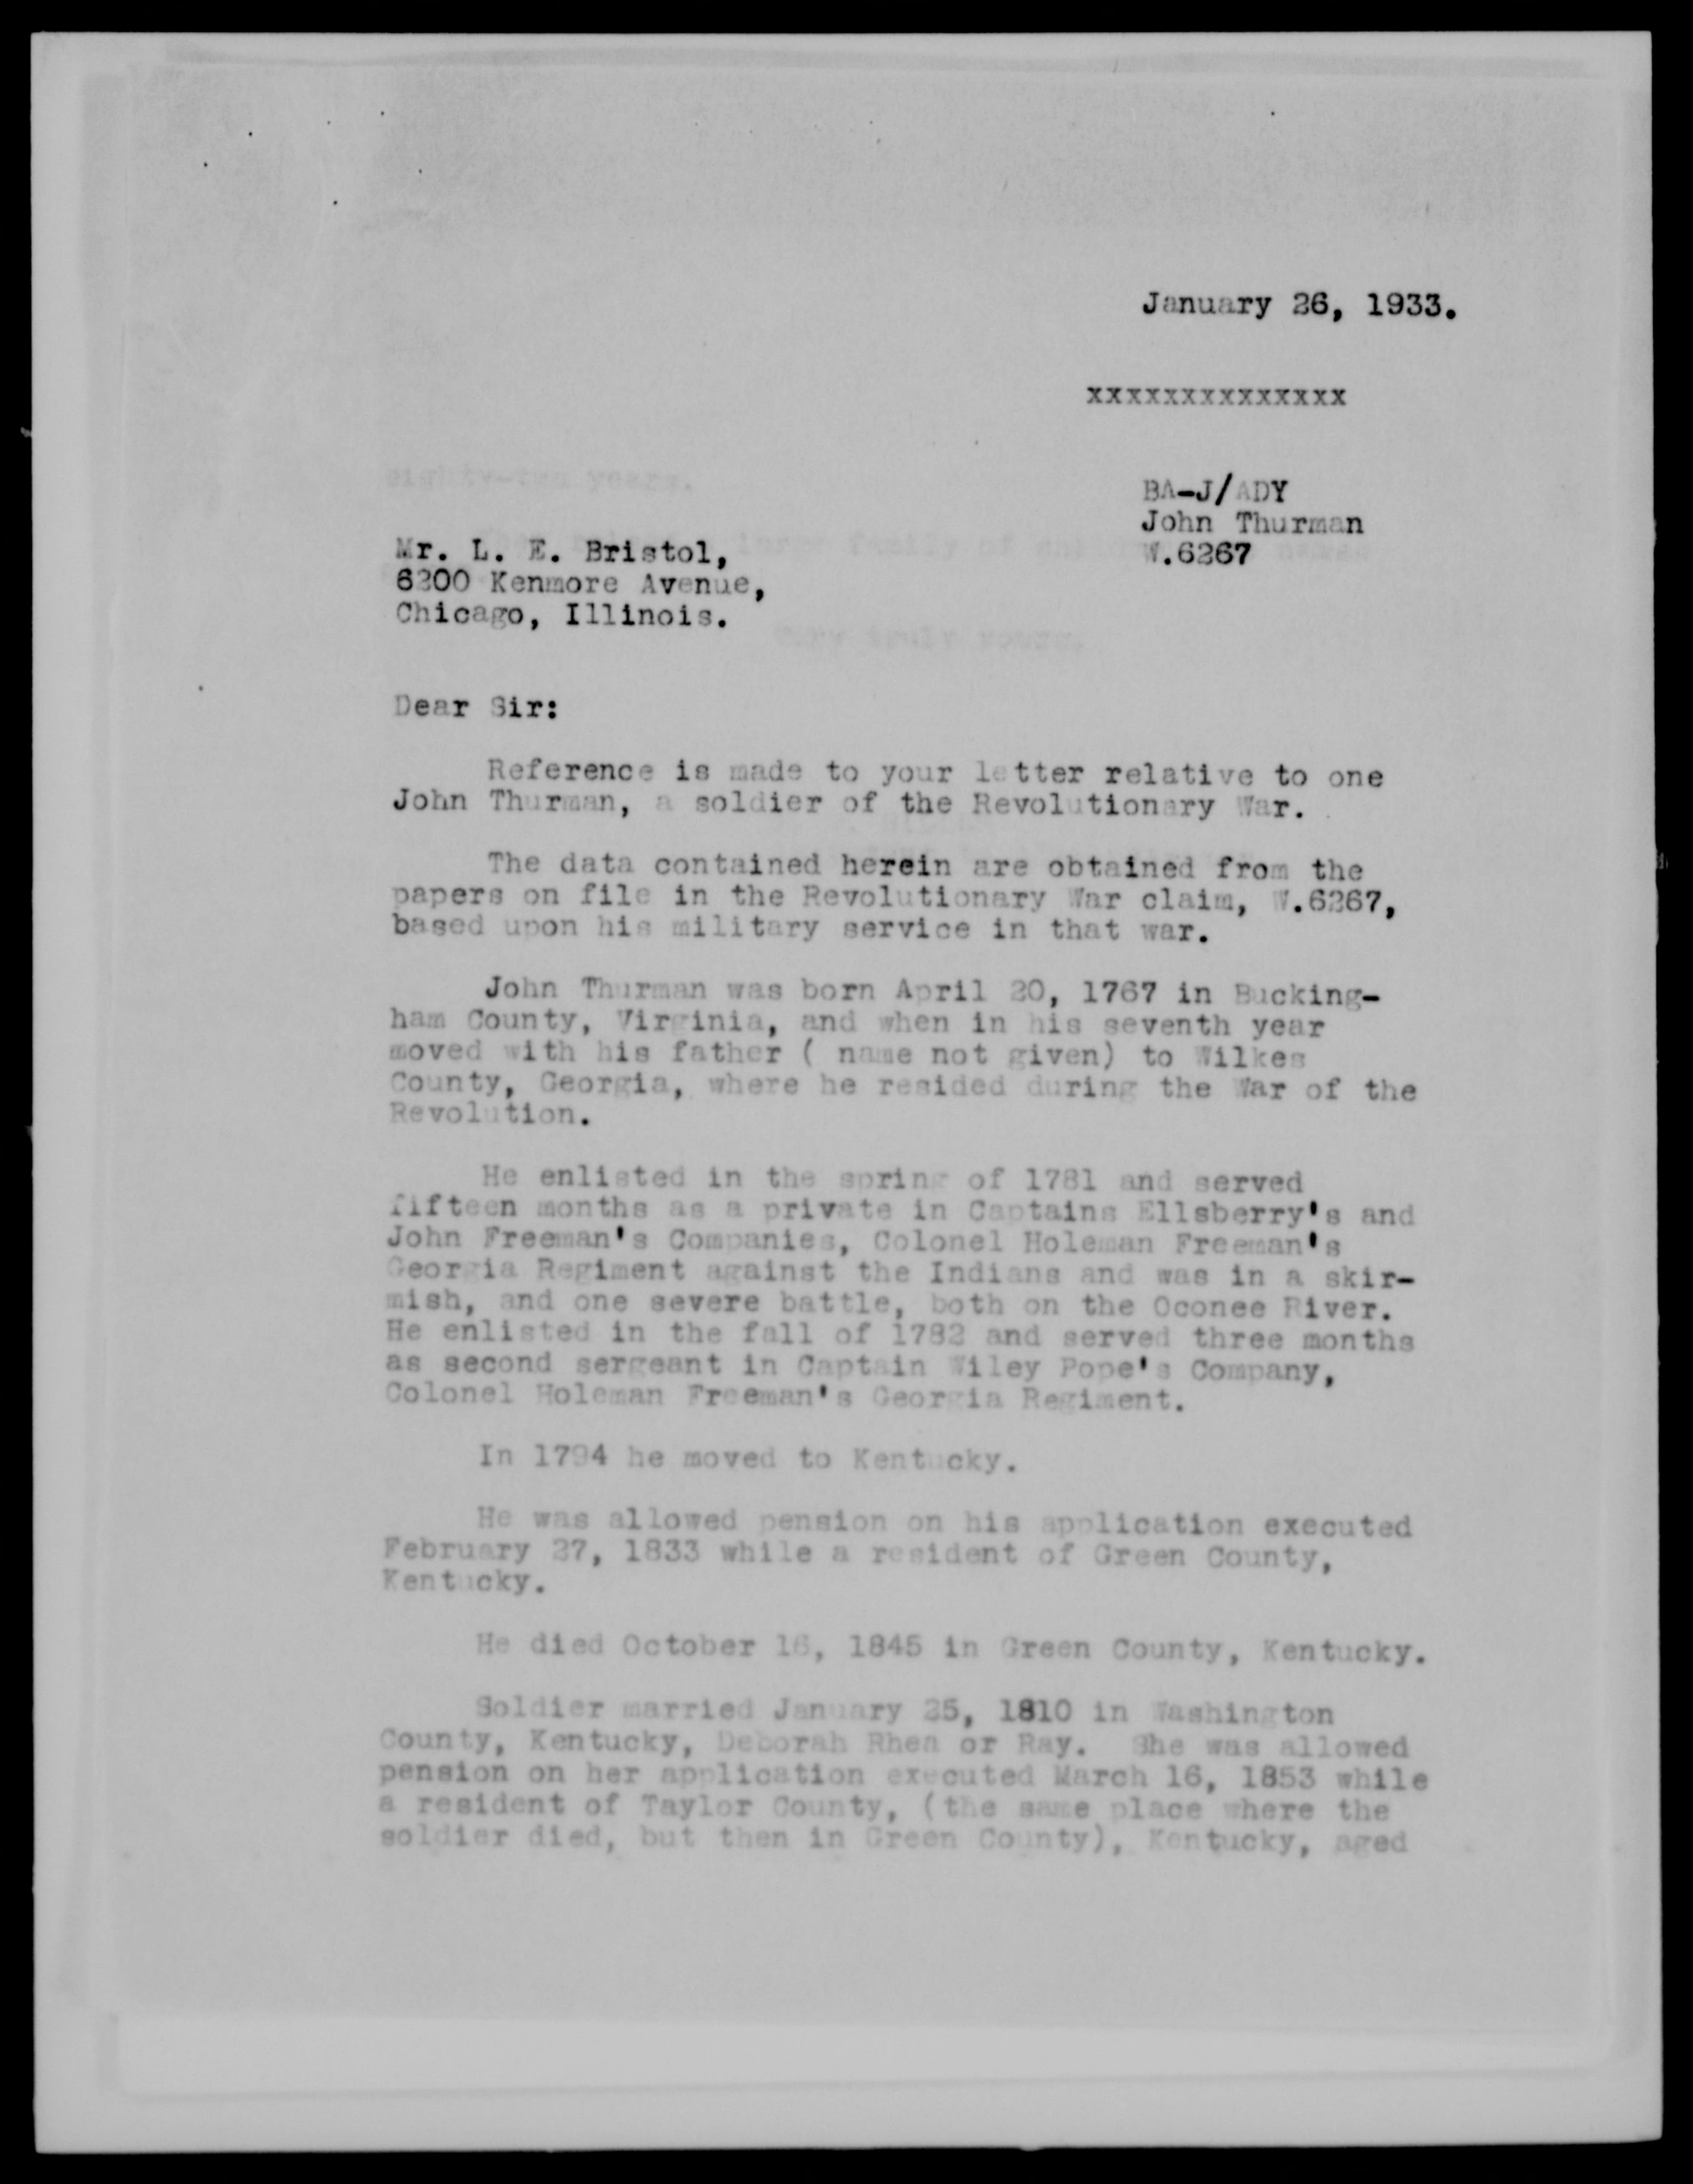January 26, 1933.
BA-J/ADY
John Thurman
W.6267
Mr. L. E. Bristol,
6200 Kenmore Avenue,
Chicago, Illinois.
Dear Sir:
Reference is made to your letter relative to one John Thurman, a soldier of the Revolutionary War.
The data contained herein are obtained from the papers on file in the Revolutionary War claim, W.6267, based upon his military service in that war.
John Thurman was born April 20, 1767 in Buckingham County, Virginia, and when in his seventh year moved with his father (name not given) to Wilkes County, Georgia, where he resided during the War of the Revolution.
He enlisted in the spring of 1781 and served fifteen months as a private in Captains Ellsberry's and John Freeman's Companies, Colonel Holeman Freeman's Georgia Regiment against the Indians and was in a skirmish, and one severe battle, both on the Oconee River.
He enlisted in the fall of 1782 and served three months as second sergeant in Captain Wiley Pope's Company, Colonel Holeman Freeman's Georgia Regiment.
In 1794 he moved to Kentucky. 
He was allowed pension on his application executed February 27, 1833 while a resident of Green County, Kentucky.
He died October 16, 1845 in Green County, Kentucky.
Soldier married January 25, 1810 in Washington County, Kentucky, Deborah Rhea or Ray. She was allowed pension on her application executed March 16, 1853 while a resident of Taylor County, (the same place where the soldier died, but then in Green County), Kentucky, aged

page: 48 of 53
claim: widow's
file: W. 6,267, for John Thurman, Georgia